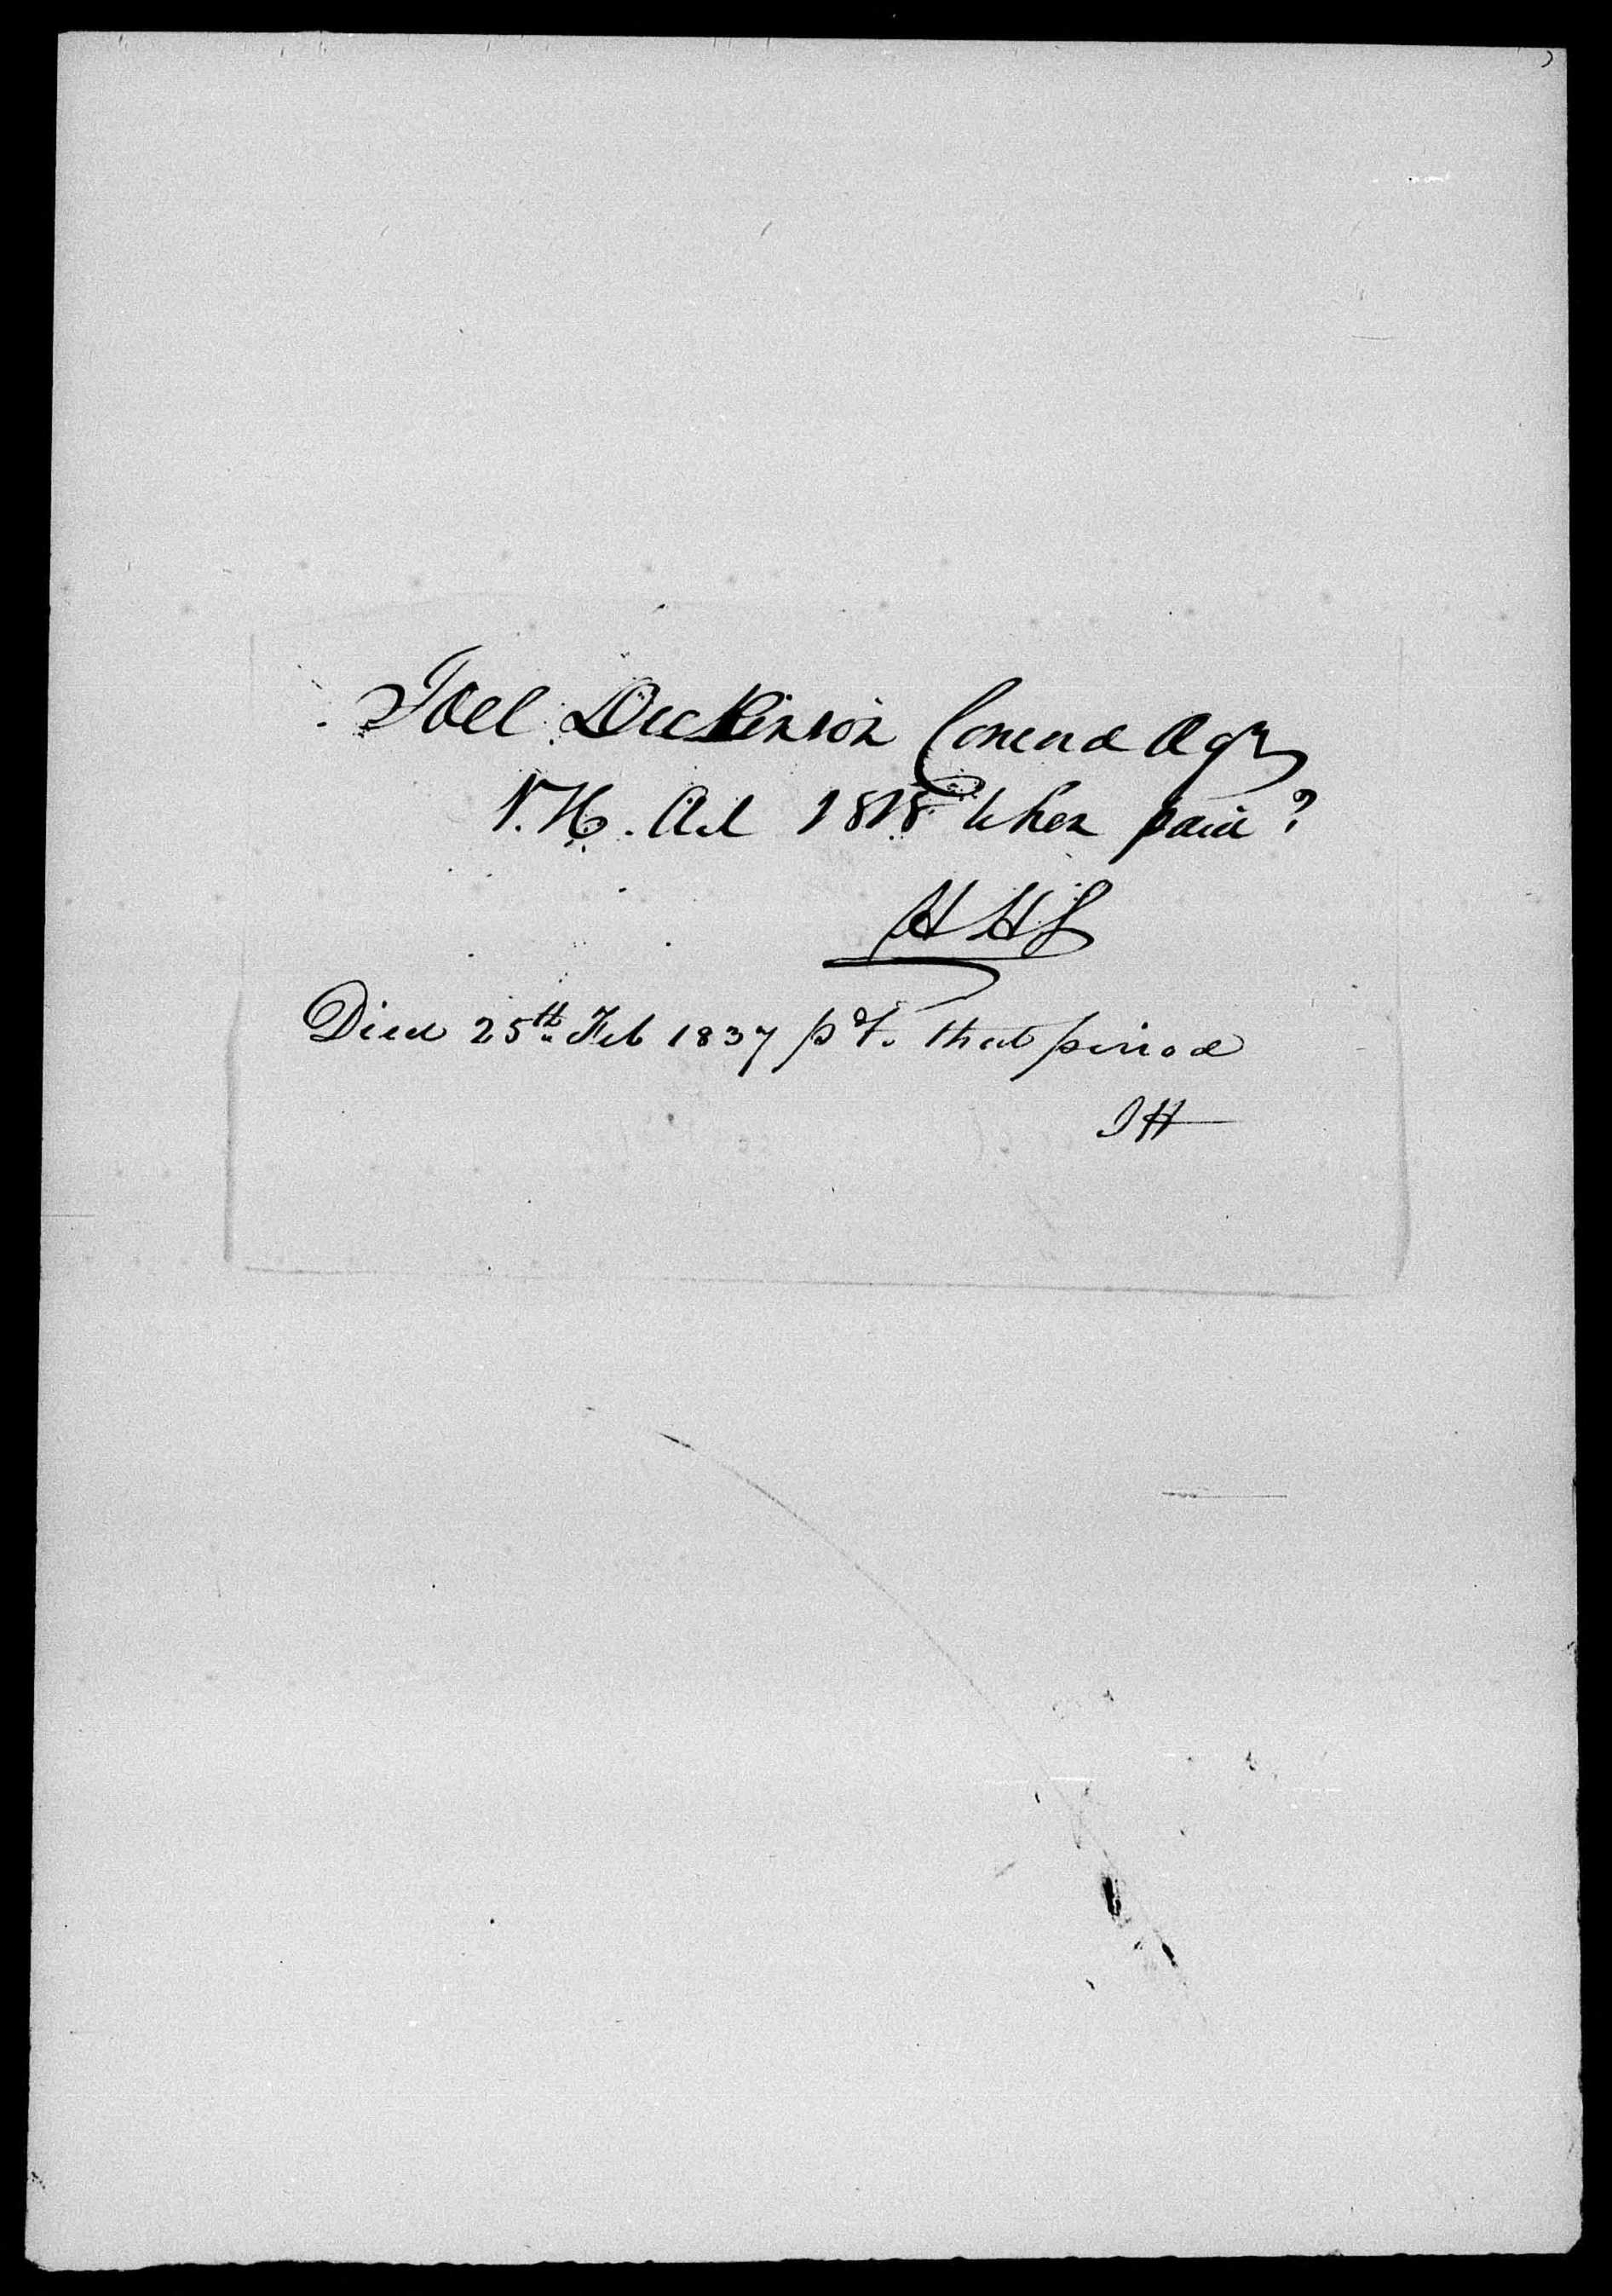Joel Dickinson  Concord Agency

New Hampshire  Act 1838, when paid?

H H L
Died 25th February 1837 paid to that period
JH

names: Joel Dickinson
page: 27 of 31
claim: widow's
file: W. 22946, Joel Dickinson, Mass.